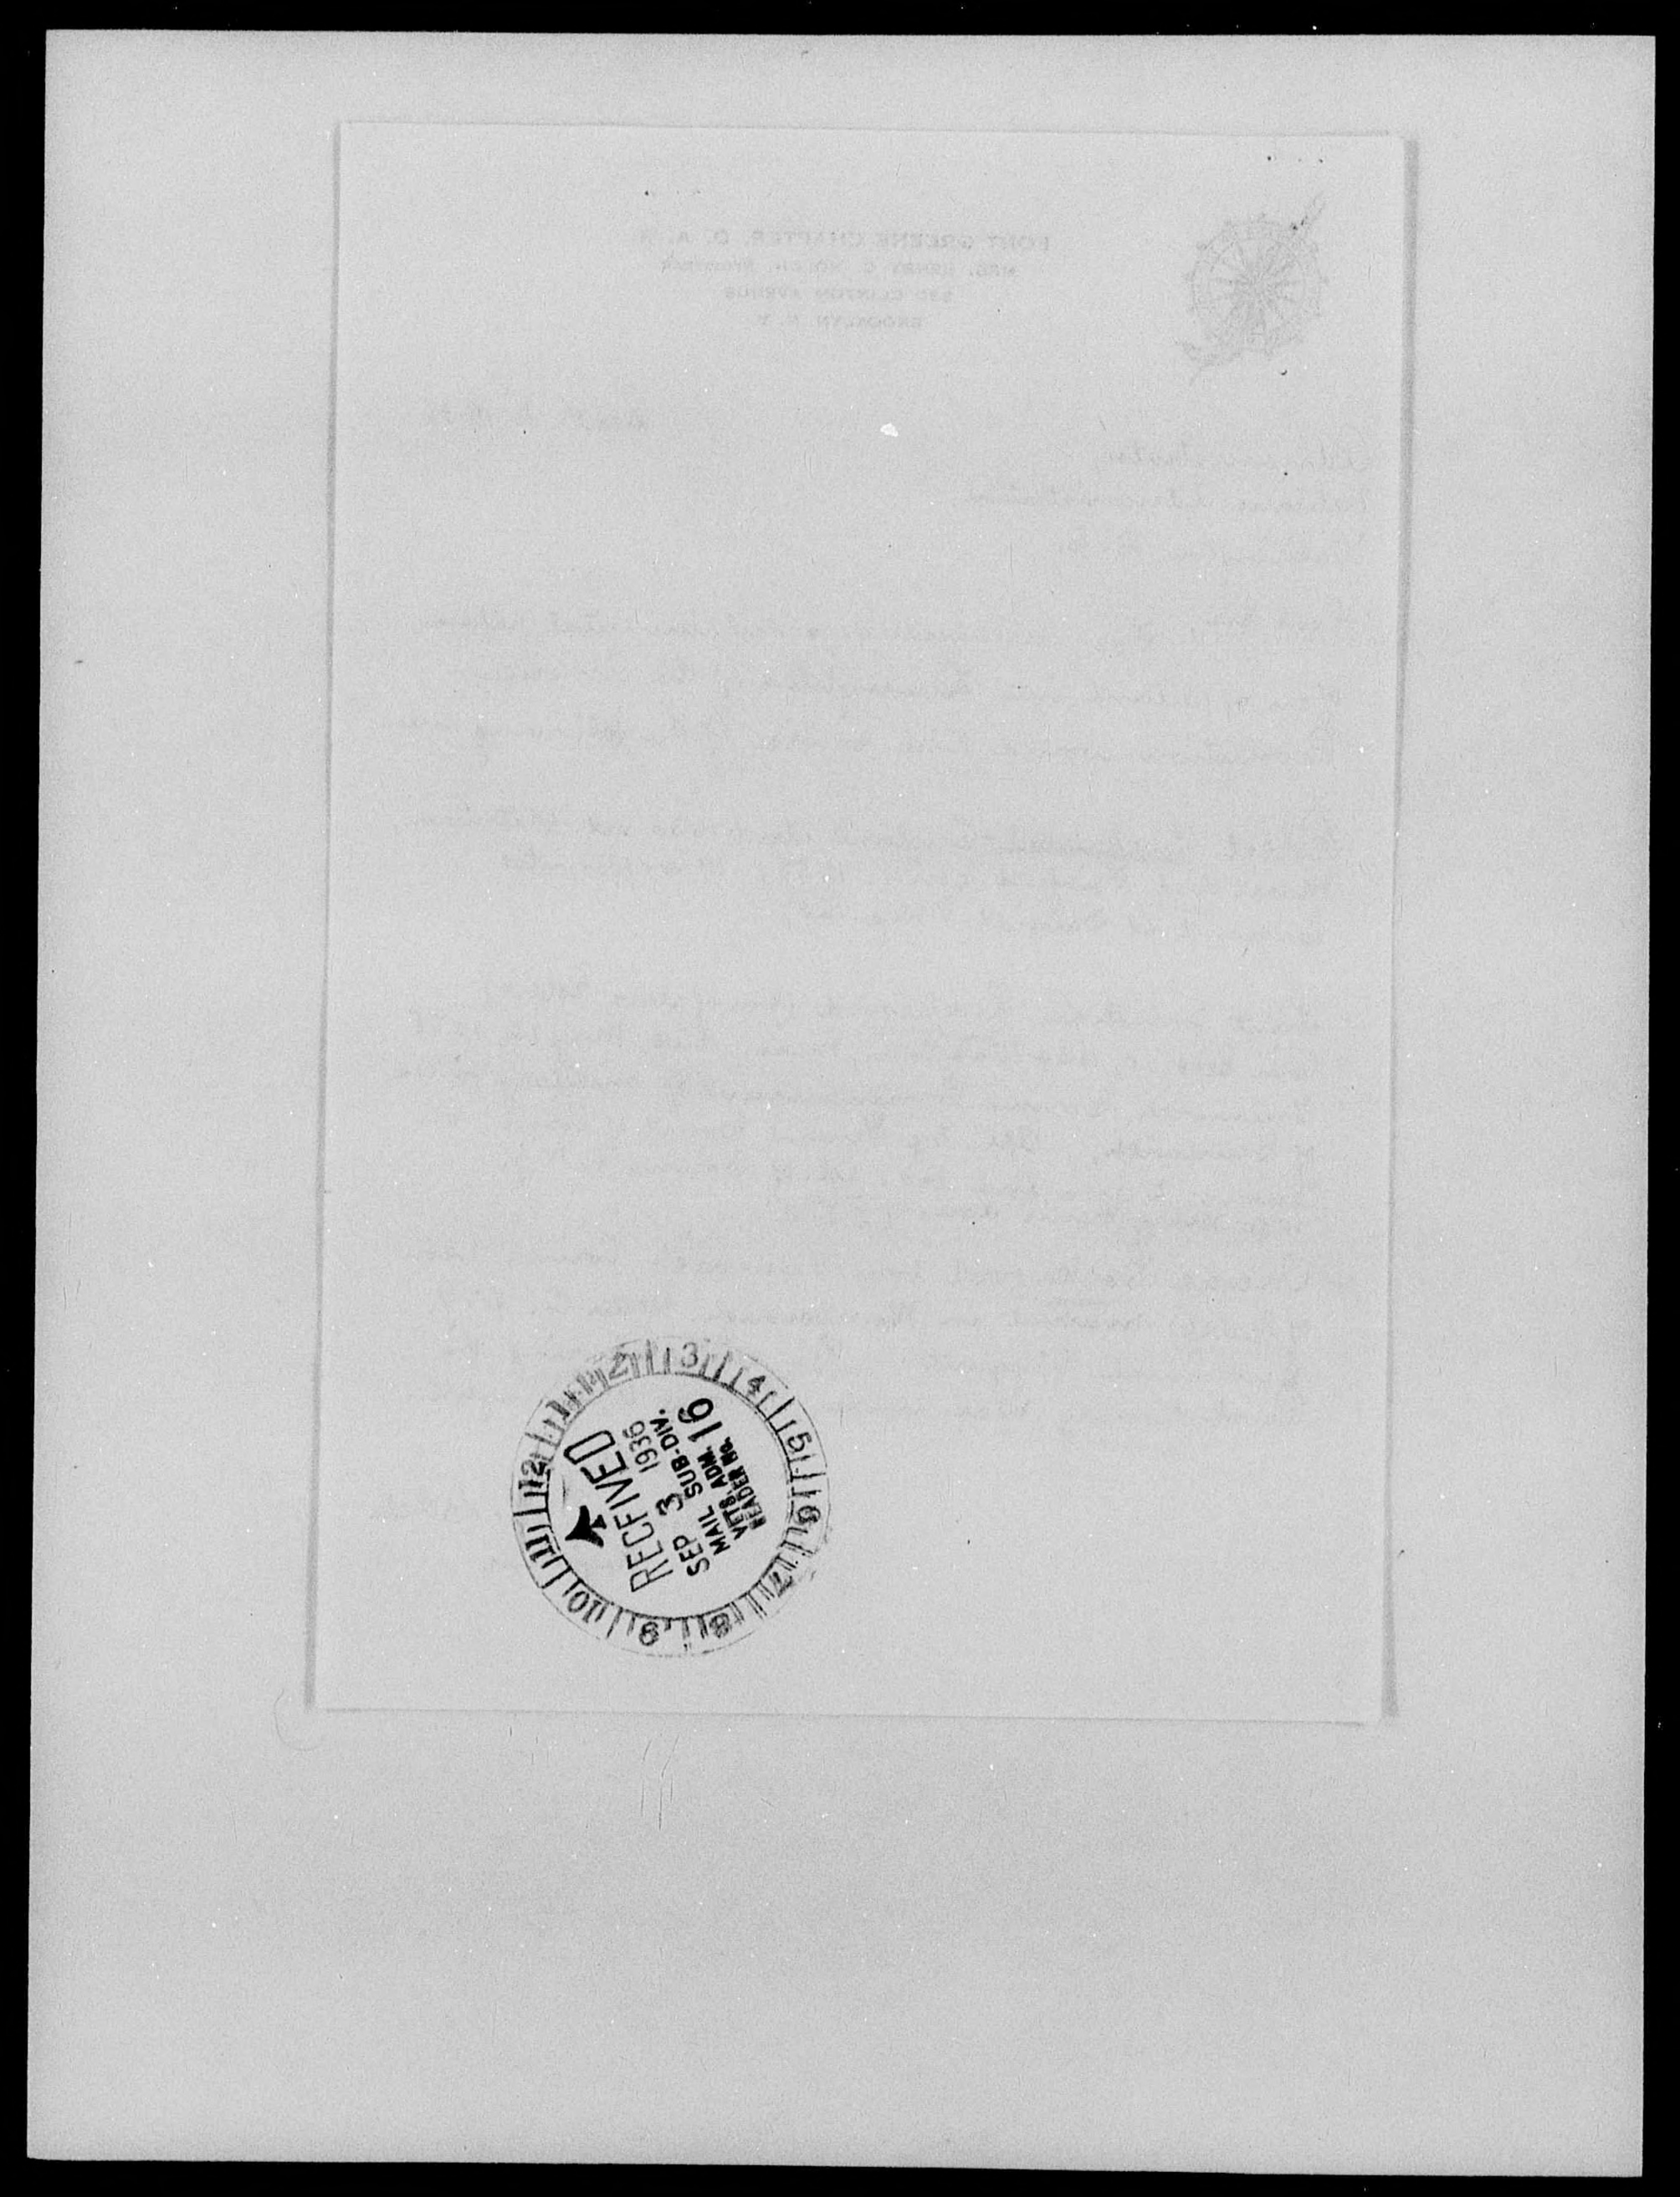[stamp]
RECEIVED
SEP 3 A936
MAIL SUB-DIV.
VETS ADM
READER ? 16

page: 21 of 23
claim: survivor's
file: S 42891, for Isaac Lockwood, New York